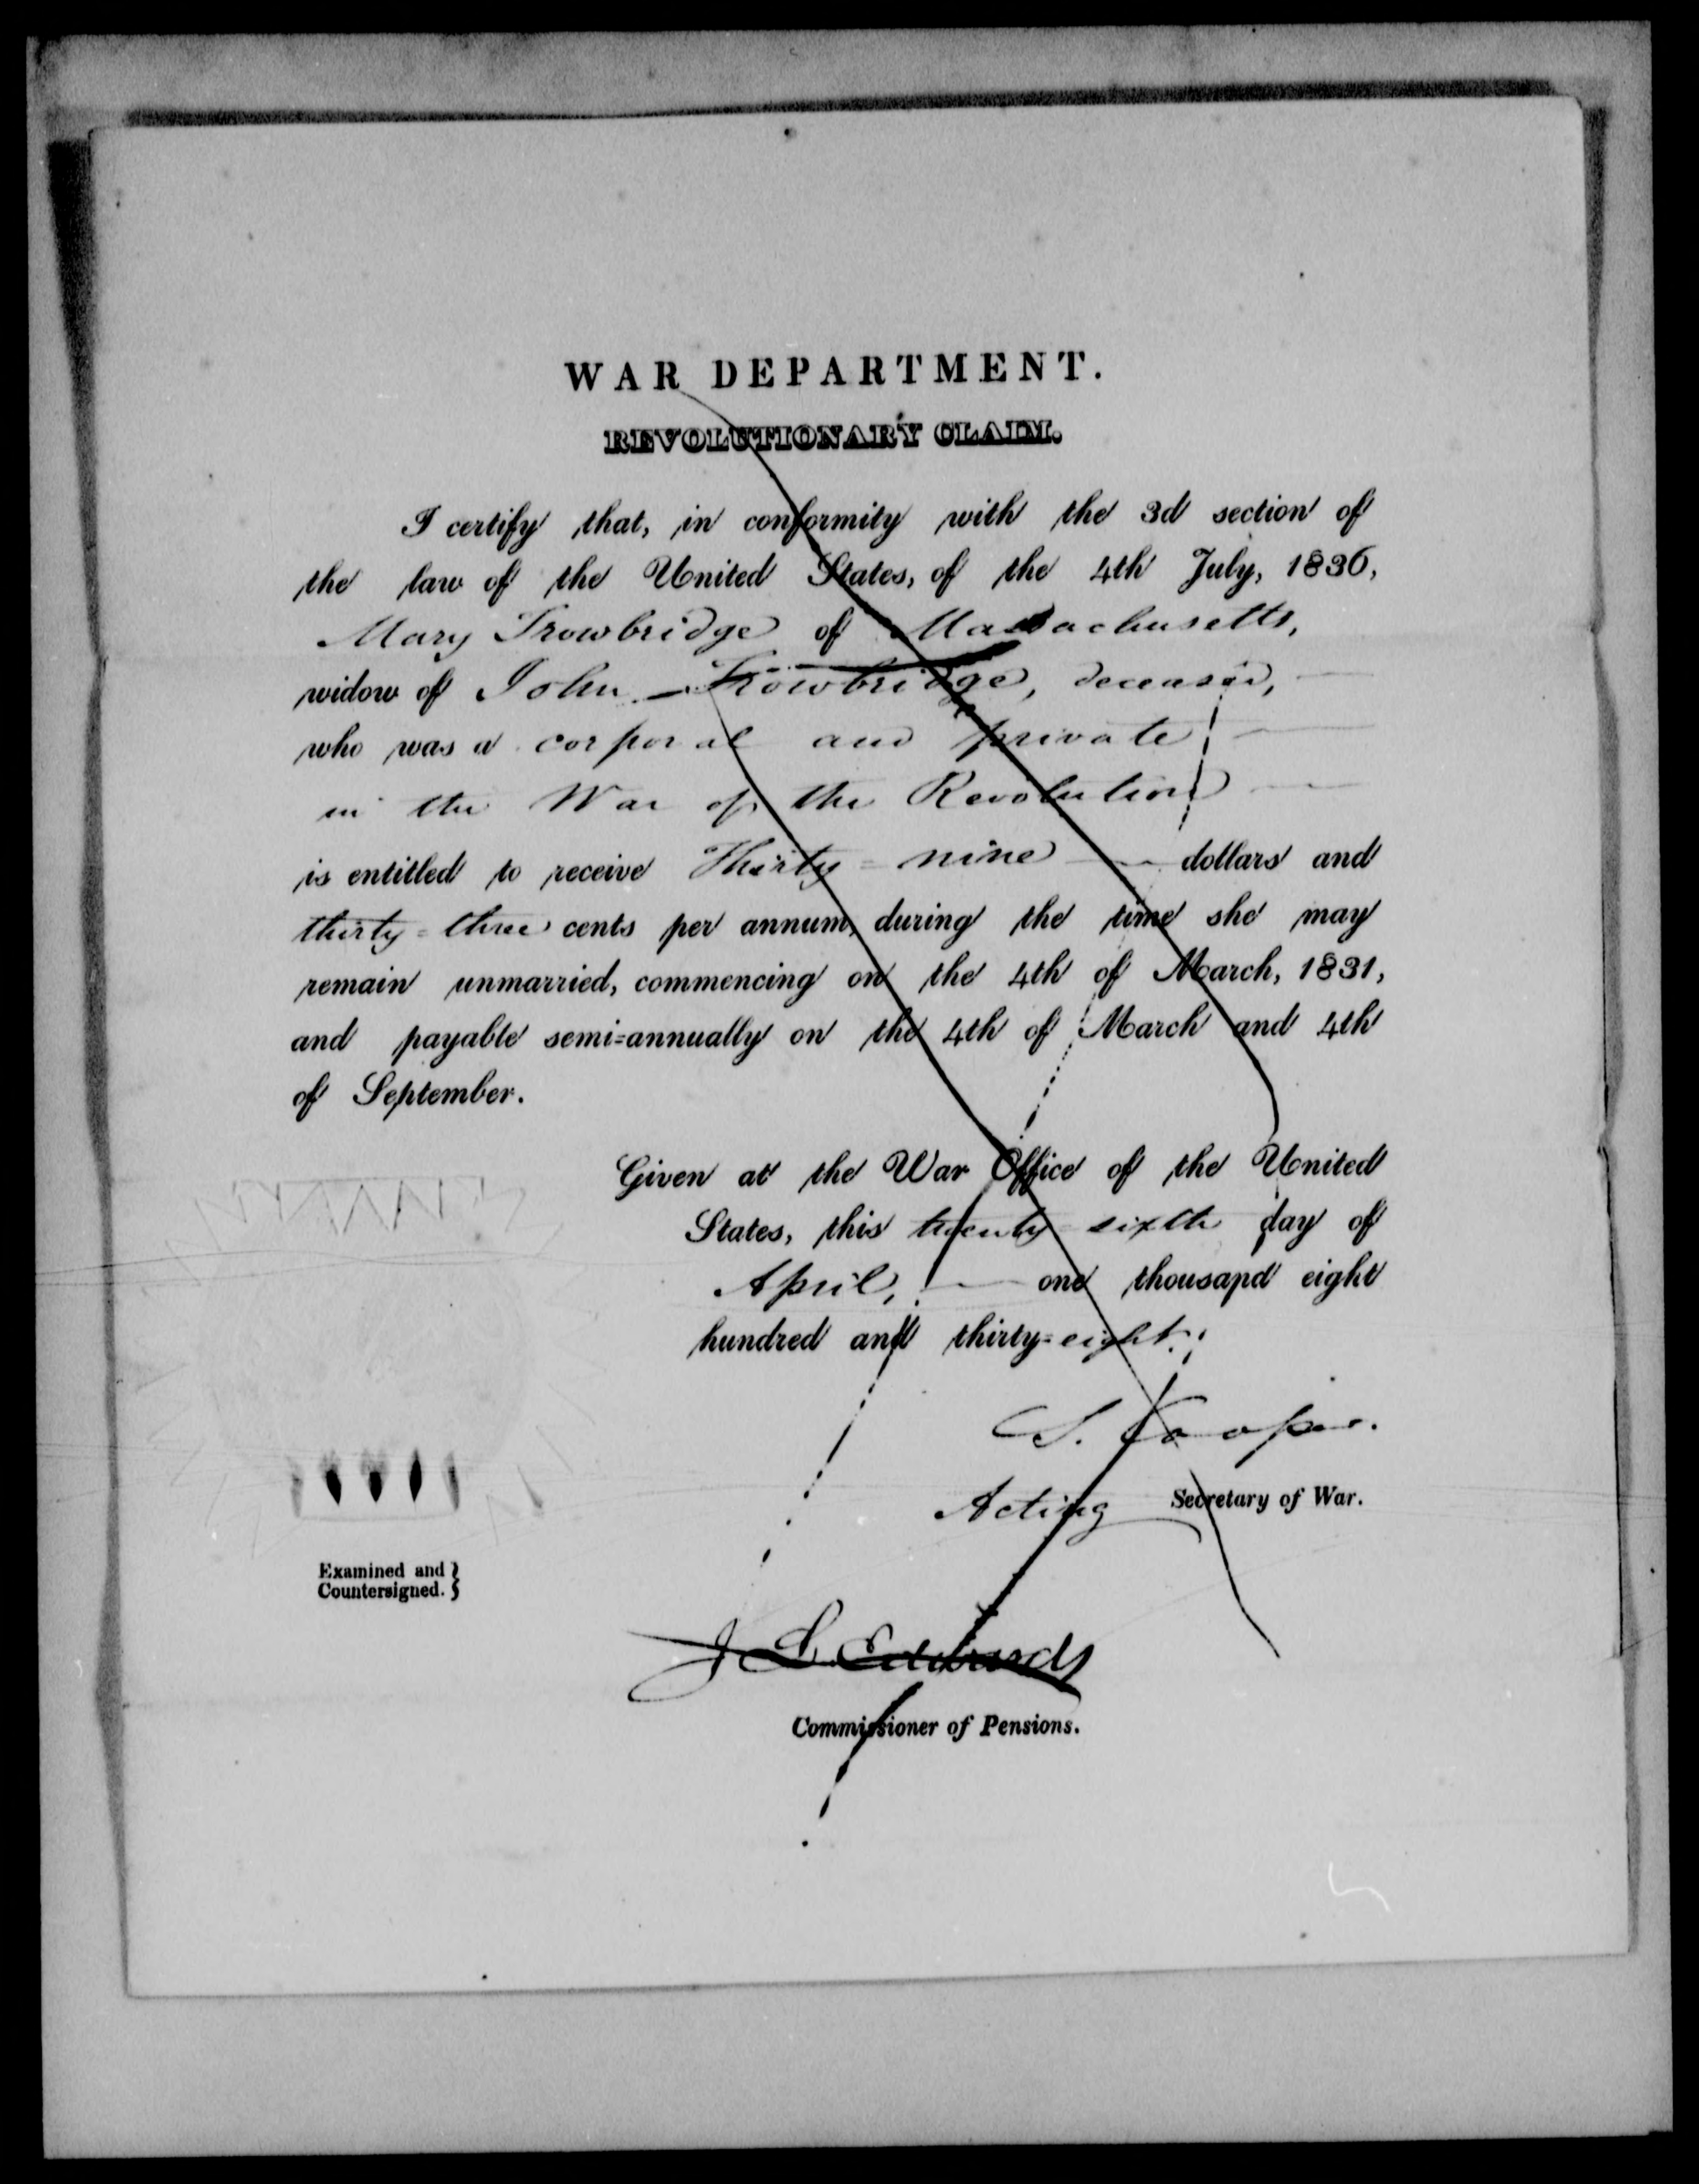WAR DEPARTMENT.
REVOLUTIONARY CLAIM.

I certify that, in conformity with the 3d section of the law of the United States, of the 4th July, 1836,
Mary Trowbridge of Massachusetts
widow of John Trowbridge, deceased,
who was a corporal and private
in the War of the Revolution
is entitled to receive Thirty-nine dollars and
thirty-three cents per annum during the time she may
remain unmarried, commencing on the 
4th of March, 1831,
and payable semi-annually on the 
4th of March and 4th of September
Given at the War Office of the United States, this twenty-sixth day of April, one thousand eight hundred and thirty-eight.
S. Cooper
Acting Secretary of War

[seal applied]
Examined and}
Countersigned.}
J L Edwards
Commissioner of Pensions.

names: John Trowbridge, S Cooper, J L Edwards, Mary Trowbridge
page: 20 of 34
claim: widow's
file: W. 15439, John Trowbridge, Mass.